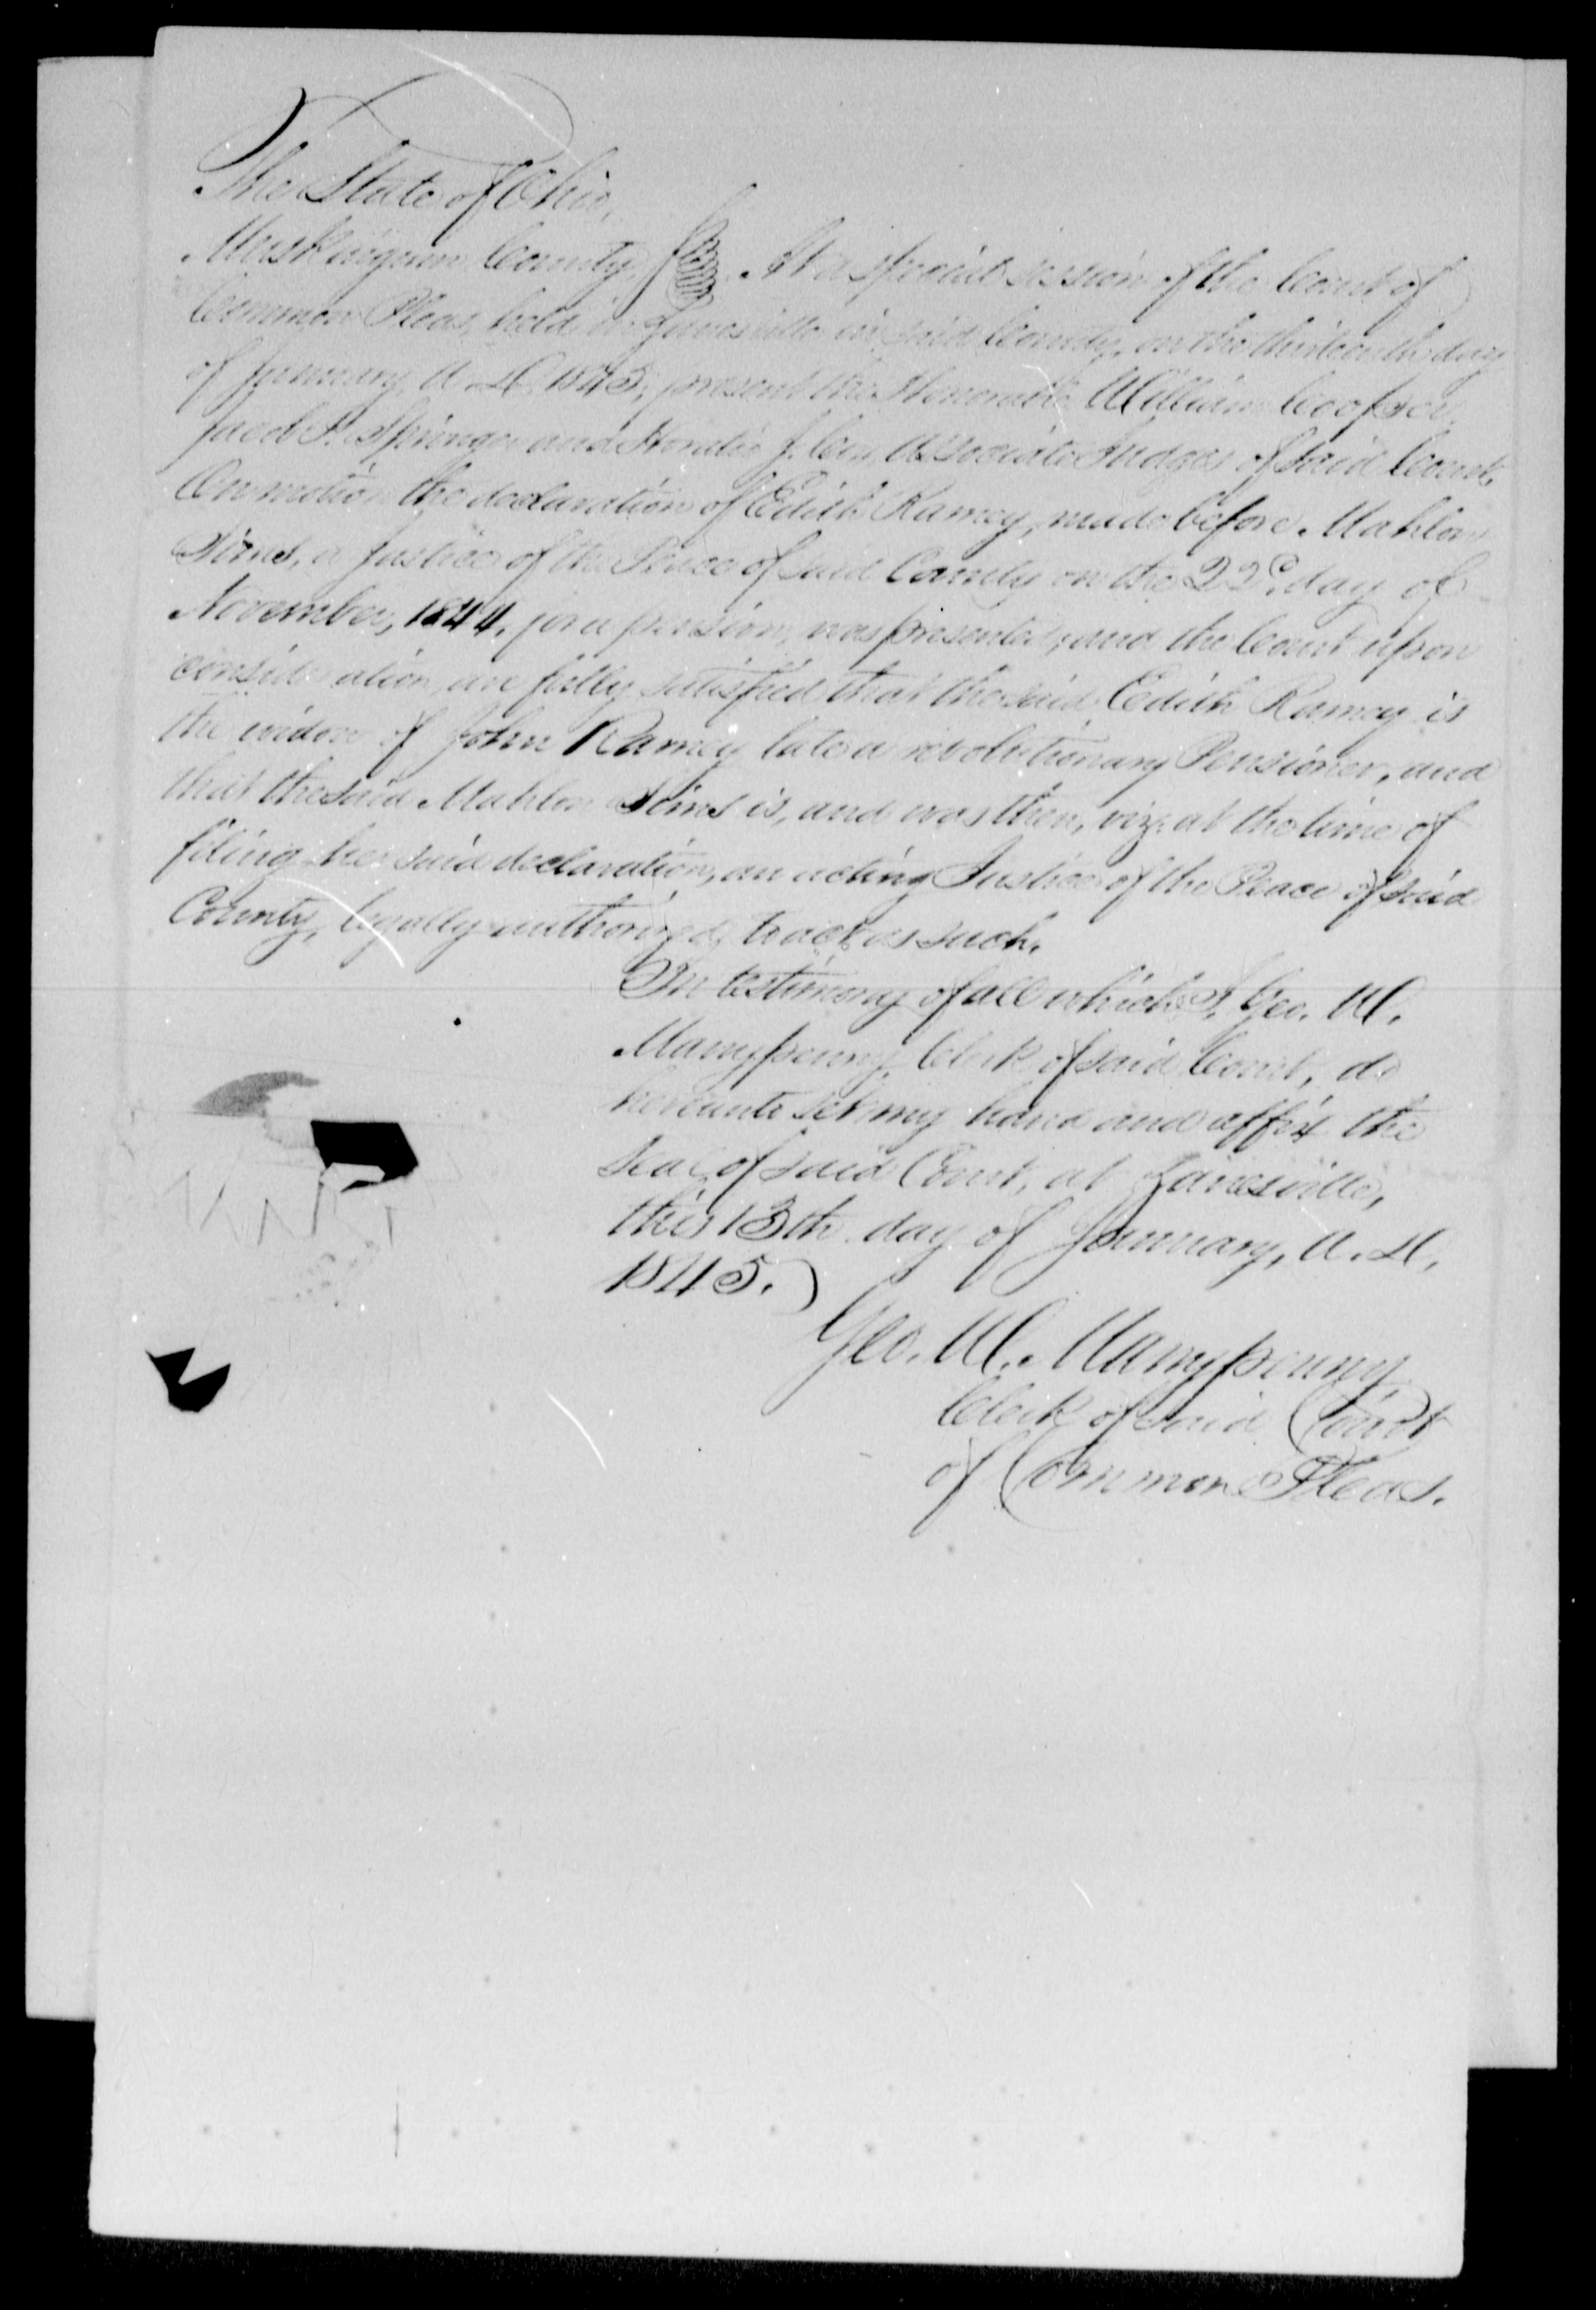The State of Ohio,
Muskingum County SS. At a special session of the Court of Common Pleas held in Zanesville in said County, on the thirteenth day of January A.D. 1845; present the Honorable William Cooper and J. Springs and Honored J. C., associate Judges of said Court, On motion the declaration of Edith Ramey, made before Mahlon Sims, a Justice of the Peace of said County on the 22d day of November, 1844, for a pension, was presented, and the Court upon consideration are fully satisfied that the said Edith Ramey is the widow of John Ramey late a revolutionary Pensioner, and that the said Mahlon Sims is, and was then, viz. at the time of filing her said declaration, an acting Justice of the Peace of said County, legally authorized to act as such.
In testimony of all which, I, Geo. W. Manypenny, Clerk of said Court, do hereunto set my hand and affix the Seal of Said Court, at Zanesville, this 13th day of January, A.D. 1845.
Geo. W. Manypenny,
Clerk of said Court
of Common Pleas.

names: Mahlon Sims; Edith Ramey; Jacob S Springer; Edith Ramey; Geo W Manypenny; John Ramey; Mahlon Sims; William Cooper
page: 79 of 84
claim: widow's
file: W.11104, for John Remay, Virginia